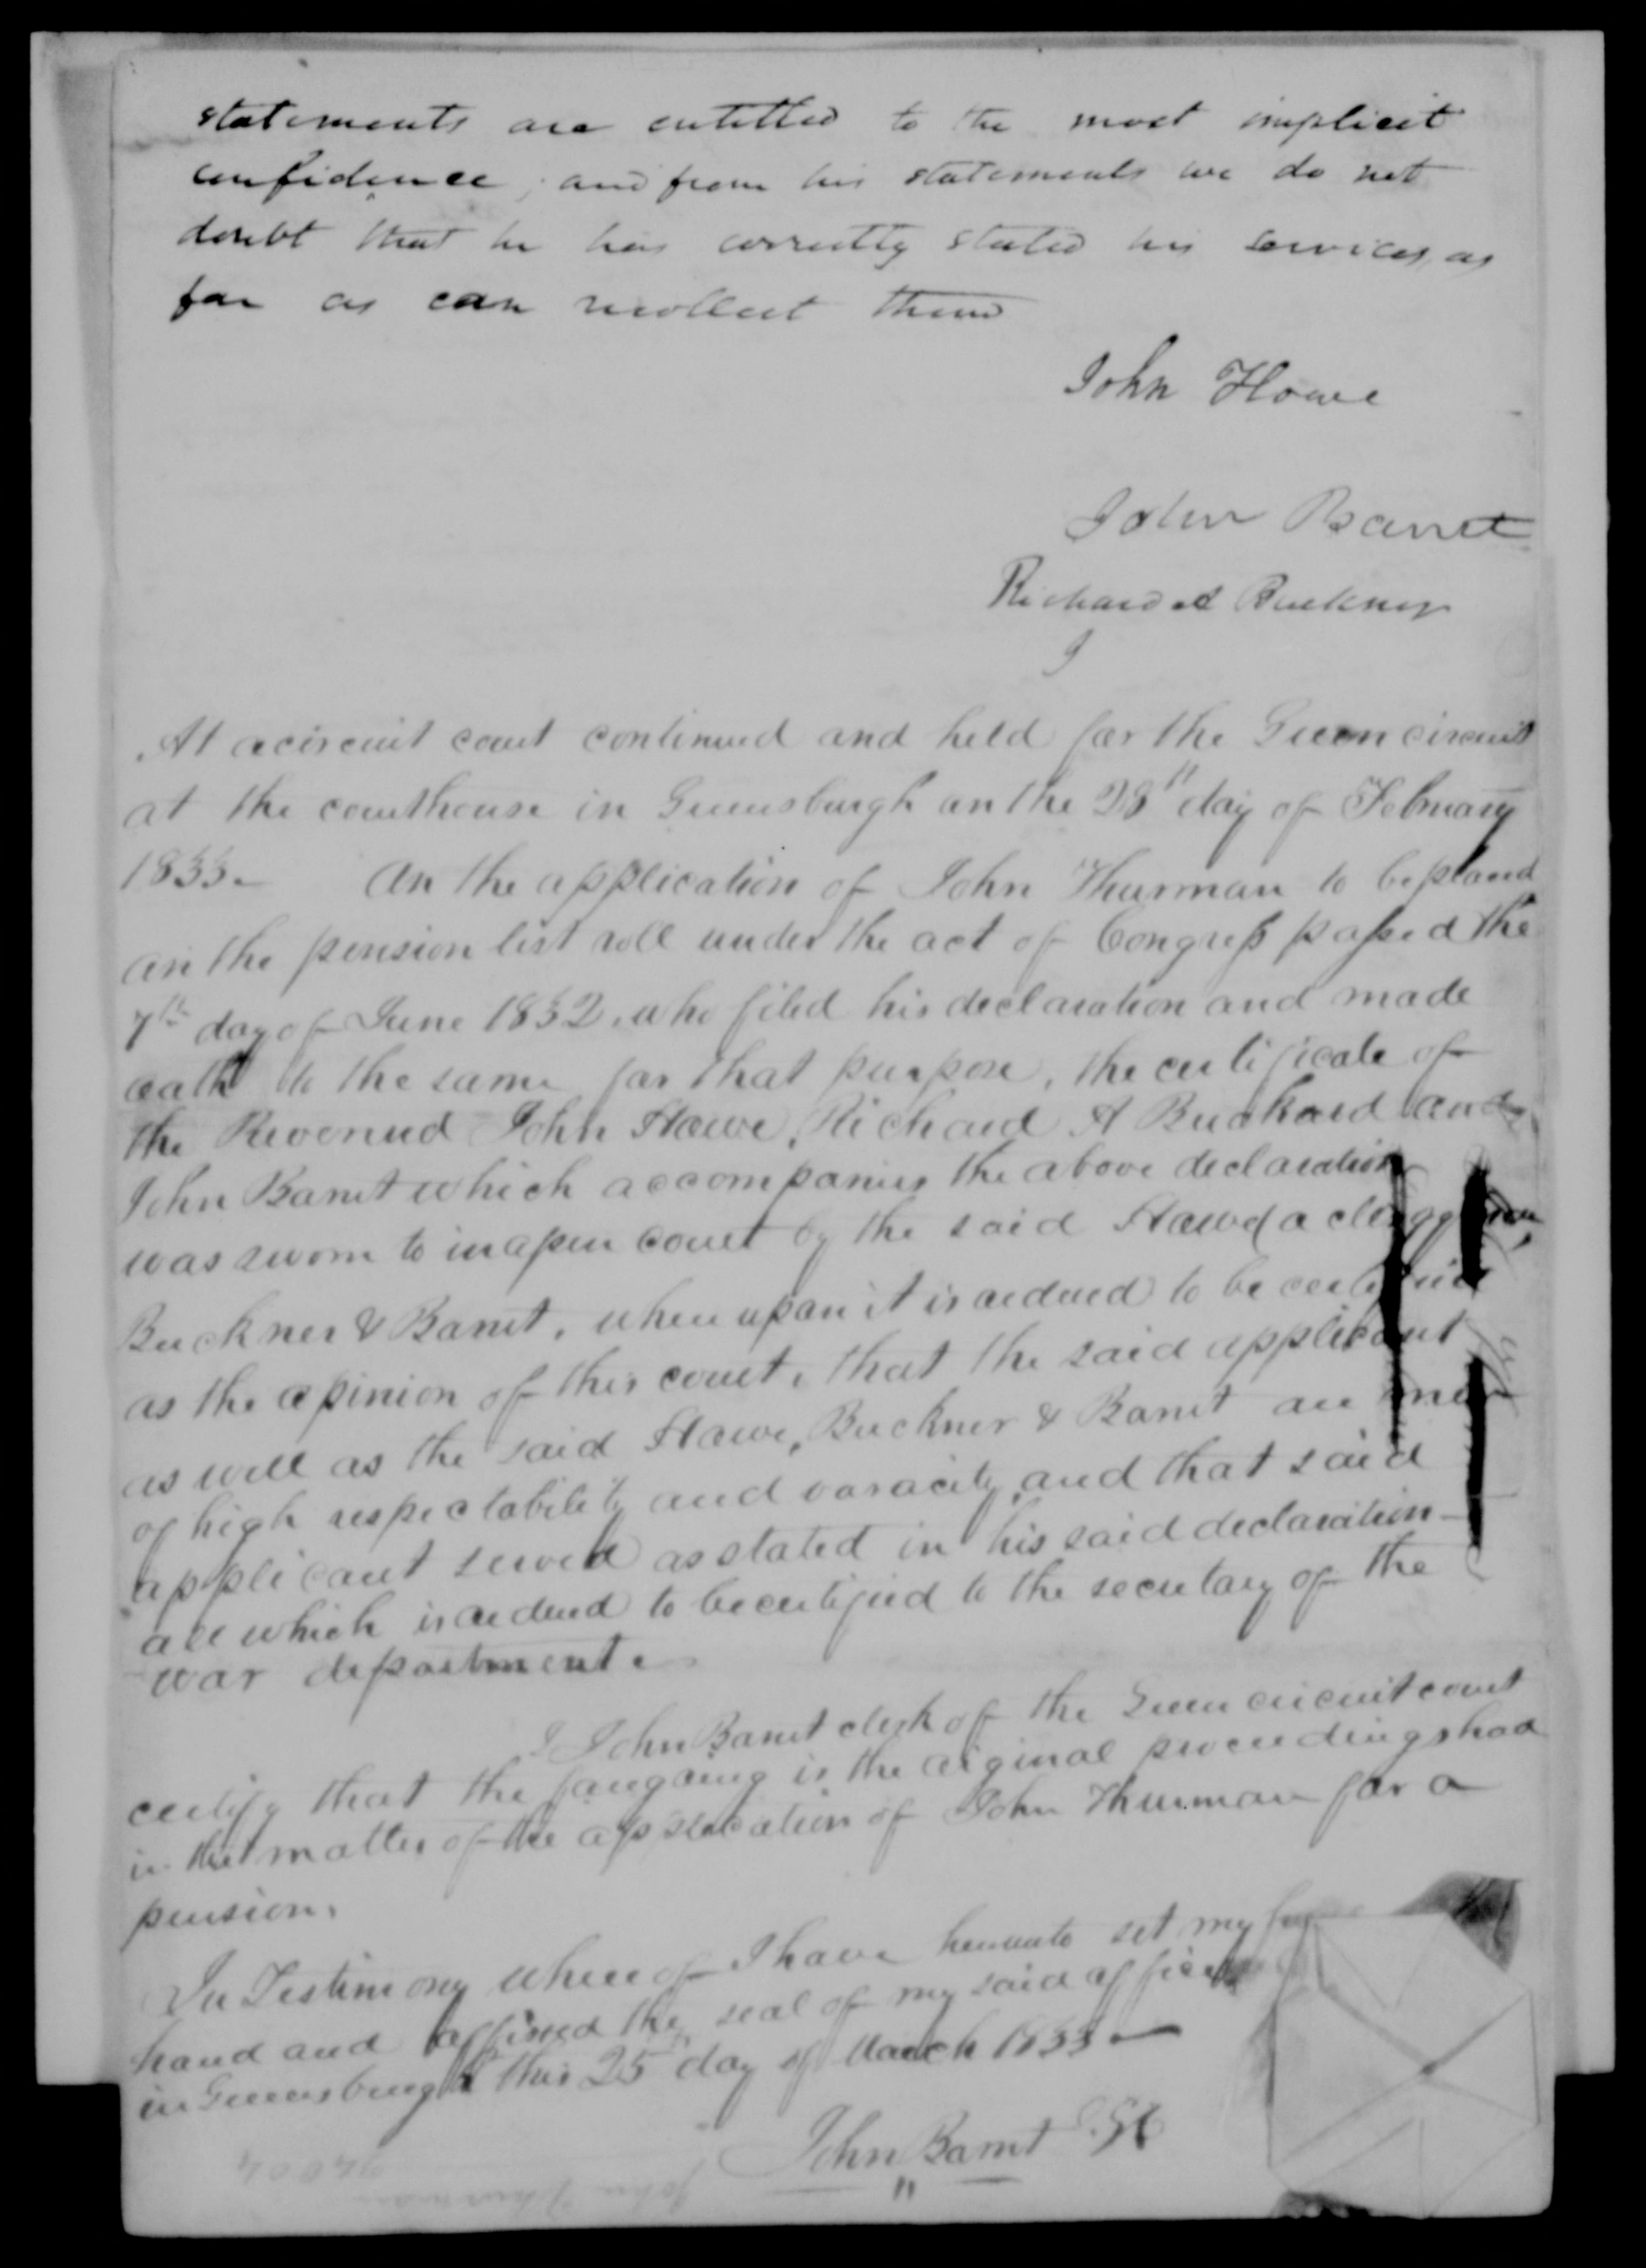statements are entitled to the most implicit
confidence; and from his statements we do not
doubt that he has correctly stated his services as far as can recollect them
John Howe
John Barret
Richard A Buckner
I At a circuit court continued and held for the Green circuit at the courthouse in Greensburgh on the 28th day of February 1833. On the application of John Thurman to be placed on the pension list roll under the act of Congress passed the 7th day of June 1832, who filed his declaration and made oath to the same for that purpose, the certificate of
the Reverend John Howe, Richard A. Buckard [Buckner] and John Banit [Barret] which accompanies the above declaration
was sworn to in open court by the said Howell a clergyman, Buckner & Banit [Barret], whereupon it is ordered to be certified as the opinion of this court, that the said applicant
as well as the said Howe, Buckner & Banit [Barret] are men of high respectability and varacity [veracity], and that said applicant served as stated in his said declaration all which is ordered to be certified to the secutary [secretary] of the war department. I John Barret Clerk of the Green circuit court certify that the foregoing in the original proceedings had the matter of the application of John Thurman for a pension. In Testimony where of I have hereunto set my
hand and affixed the seal of my said office
in Greensburg this 25 day of March 1833
John Barnt [Barret] SC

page: 12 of 53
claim: widow's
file: W. 6,267, for John Thurman, Georgia